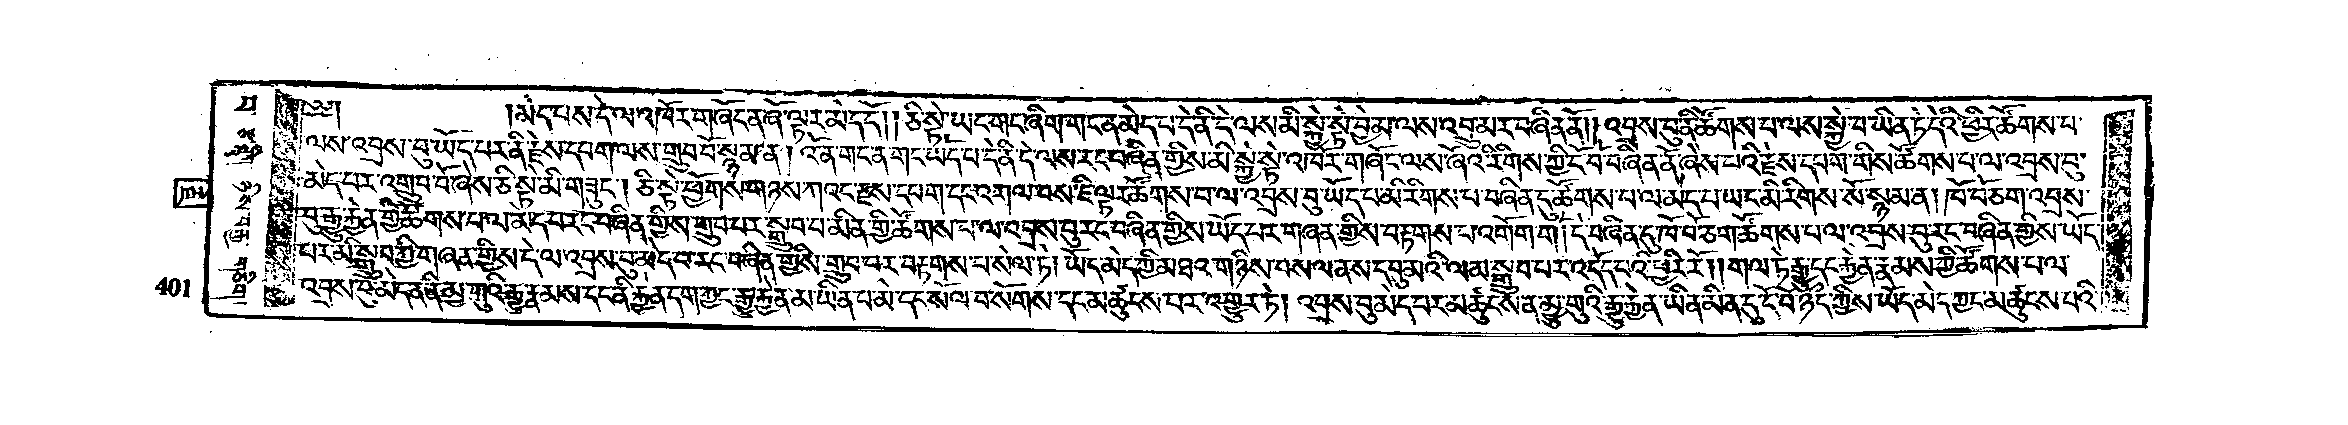༄༅། །མེད་པས་དེ་ལ་འཁར་གཞོད་ན་ཞོ་ལྟར་མེད་དོ། །ཅི་སྟེ་ཡང་གང་ཞིག་གང་ན་མེད་པ་དེ་ནི་དེ་ལས་མི་སྐྱེ་སྟེ་བྱེ་མ་ལས་འབྲུ་མར་བཞིན་ནོ། །འབྲས་བུ་ནི་ཚོགས་པ་ལས་སྐྱེ་བ་ཡིན་ཏེ་དེའི་ཕྱིར་ཚོགས་པ་
ལས་འབྲས་བུ་ཡོད་པར་ནི་རྗེས་དཔག་ལས་གྲུབ་བོ་སྙམ་ན། འོ་ན་གང་ན་གང་ཡོད་པ་དེ་ནི་དེ་ལས་རང་བཞིན་ཀྱིས་མི་སྐྱེ་སྟེ་འཁོར་གཞོང་ལས་ཞོའི་རིགས་ཀྱི་ངོ་བོ་བཞིན་ནོ་ཞེས་པའི་རྗེས་དཔག་གིས་ཚོགས་པ་ལ་འབྲས་བུ་
མེད་པར་འགྲུབ་བོ་ཞེས་ཅི་སྟེ་མི་གཟུང་། ཅི་སྟེ་ཕྱོགས་གཉིས་ཀའང་རྗེས་དཔག་དང་འགལ་བས་ཇི་ལྟར་ཚོགས་པ་ལ་འབྲས་བུ་ཡོད་པ་མི་རིགས་པ་བཞིན་དུ་ཚོགས་པ་ལ་མེད་པ་ཡང་མི་རིགས་སོ་སྙམ་ན། ཁོ་བོ་ཅག་འབྲས་
བུ་རྒྱུ་རྐྱེན་གྱི་ཚོགས་པ་ལ་མེད་པ་རང་བཞིན་གྱིས་གྲུབ་པར་སྒྲུབ་པ་མིན་གྱི་ཚོགས་པ་ལ་འབྲས་བུ་རང་བཞིན་གྱིས་ཡོད་པར་གཞན་གྱིས་བརྟགས་པ་འགོག་གོ། དེ་བཞིན་དུ་ཁོ་བོ་ཅག་ཚོགས་པ་ལ་འབྲས་བུ་རང་བཞིན་གྱིས་ཡོད་
པར་མི་སྒྲུབ་ཀྱི་གཞན་གྱིས་དེ་ལ་འབྲས་བུ་མེད་པ་རང་བཞིན་གྱིས་གྲུབ་པར་བརྟགས་པ་སེལ་ཏེ། ཡོད་མེད་ཀྱི་མཐའ་གཉིས་བསལ་ནས་དབུ་མའི་ལམ་སྒྲུབ་པར་འདོད་པའི་ཕྱིར་རོ། །གལ་ཏེ་རྒྱུ་དང་རྐྱེན་རྣམས་ཀྱི་ཚོགས་པ་ལ་
འབྲས་བུ་མེད་ན་ནི་མྱུ་གུའི་རྒྱུ་རྣམས་དང་ནི་རྐྱེན་དག་ཀྱང་རྒྱུ་རྐྱེན་མ་ཡིན་པ་མེ་དང་སོལ་བ་སོགས་དང་མཚུངས་པར་འགྱུར་ཏེ། འབྲས་བུ་མེད་པ་མཚུངས་ན་མྱུ་གུའི་རྒྱུ་རྐྱེན་ཡིན་མིན་དུ་ངོ་བོ་ཉྀད་ཀྱིས་ཡོད་མེད་ཀྱང་མཚུངས་པའི་